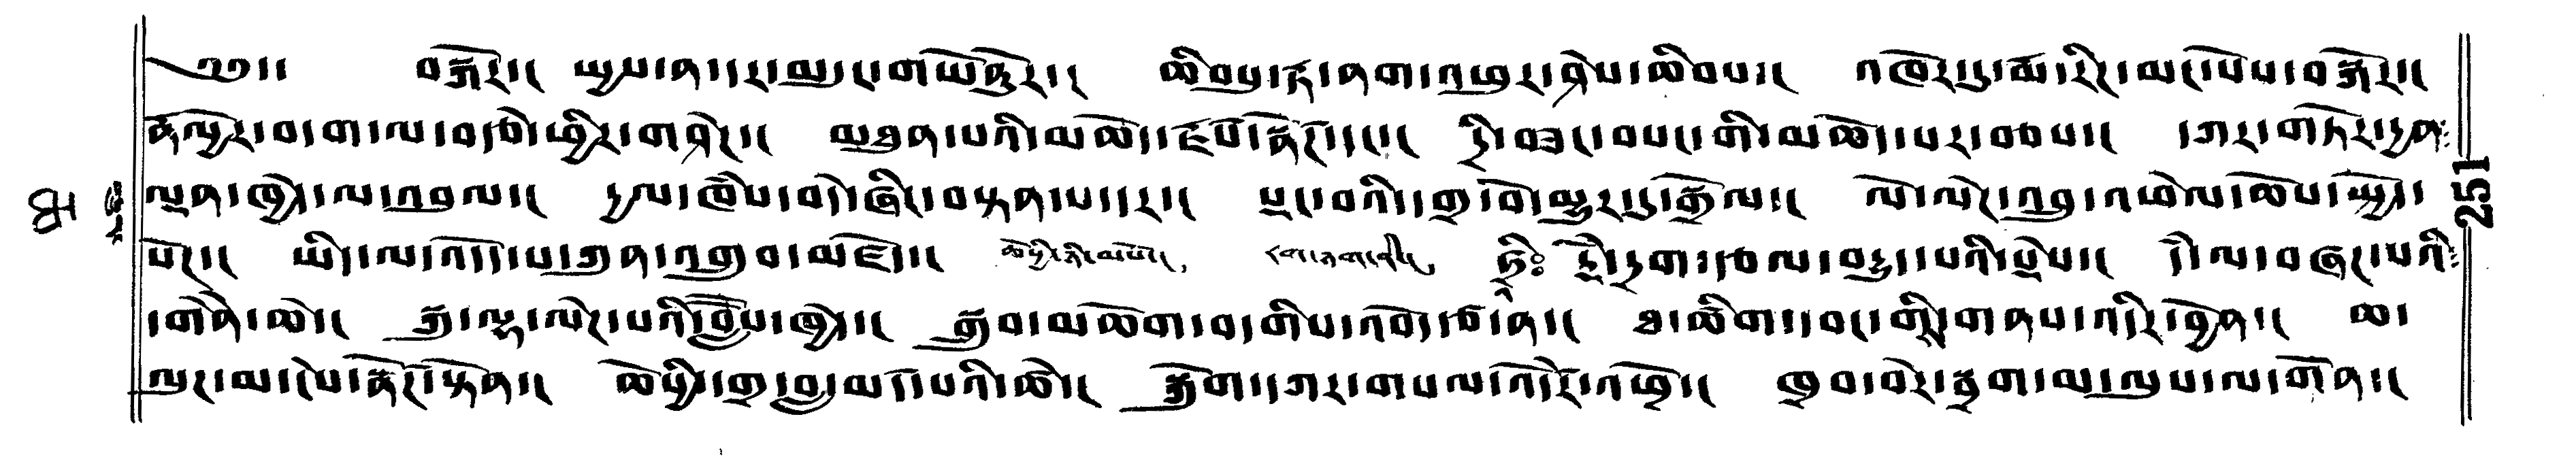བསྐོར། །གཡས་ན་དར་མདུང་གཡོན་ནོར་བུ། །ཆིབས་སུ་རྟ་ནག་འཕུར་ཤེས་ཆིབས། །འཁོར་དུ་རྨ་རིགས་མང་པོས་བསྐོར། །
རྣལ་འབྱོར་བདག་ལ་བརྩེ་ཕྱིར་གཤེགས། །མཐུན་པའི་མཆོད་རྫས་སྣ་ཚོགས་དང་། །དྲི་བཟང་བསང་གི་མཆོད་པར་བཅས། །དཀར་གཏོར་རྒྱན་
ལྡན་ཁྱེད་ལ་འབུལ། །རྒྱལ་ཁམས་བདེ་ཞིང་བསྟན་པ་དར། །སྡང་བའི་དགྲ་བོ་མྱུར་དུ་སྒྲོལ། །ལོ་ལེགས་འབྲུ་འཕེལ་ཆོས་སྤྱོད་
སོགས། །ཡིད་ལ་འདོད་པ་ཀུན་འགྲུབ་མཛོད། ཆོས་ཀྱི་ཉི་མས་སོ།། རག་ཉག་ནི། ཧྲཱིཿརྡོ་རྗེ་དྲག་རྩལ་བརྒྱུད་པའི་སྡེས། །དམ་ལ་བཞག་པའི་
དགེ་གཉེན་ཆེ། །སྐུ་ལྷ་ལེགས་པའི་བློ་གྲོས་ཁྱོད། །སྒྲུབ་མཆོག་བདག་གིས་འབོད་ཙ་ན། །ཐ་ཚིག་དབང་གིས་གནས་འདིར་བྱོན། །ཆ་
ལུགས་མ་ངེས་སྣ་ཚོགས་སྟོན། །ཆོས་ཀྱི་དགྲ་བླ་མཛད་པའི་ཚེ། །སྐུ་མདོག་དཀར་གསལ་འོད་ཟེར་འཕྲོ། །ཁྲབ་བེར་སྦྲགས་མ་ལུས་ལ་གོན།